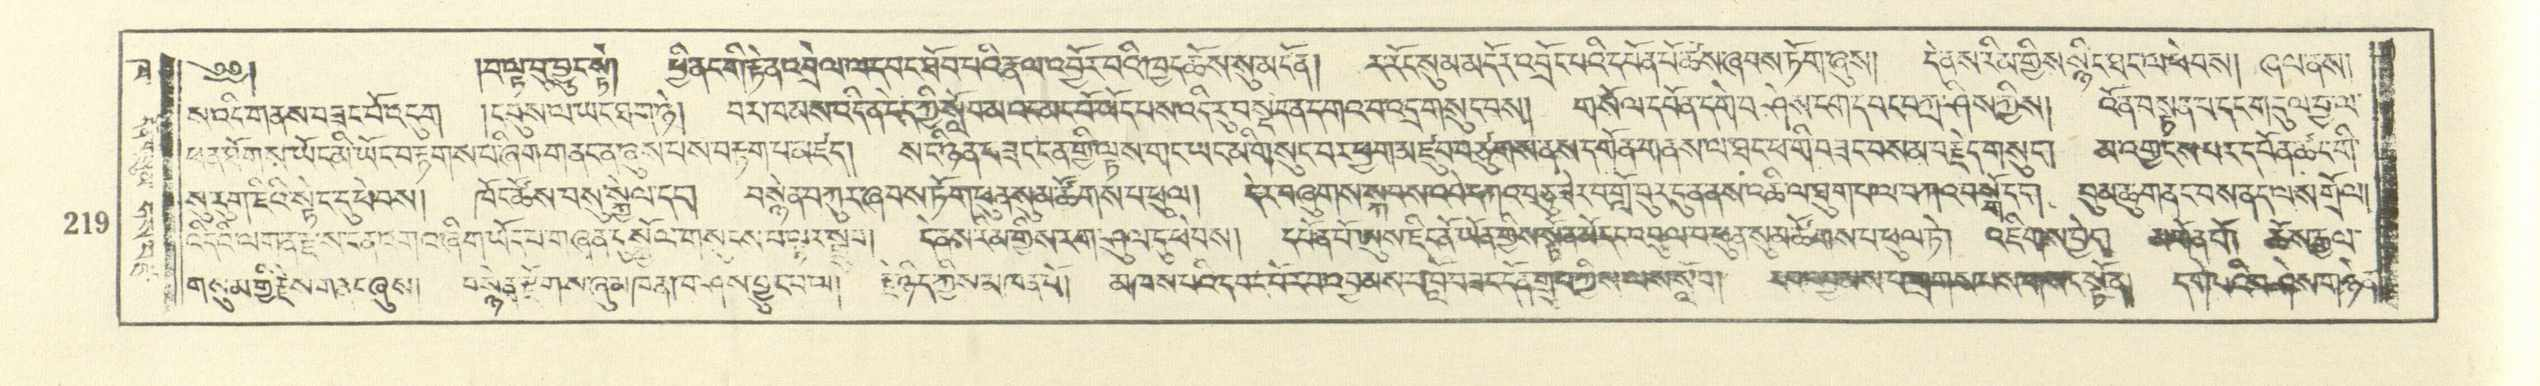༄༅། །བ་ལྟ་བུ་བྱུང་སྟེ། ཕྱི་ནང་གི་རྟེན་འབྲེལ་ལ་དབང་ཐོབ་པའི་རྣལ་འབྱོར་བའི་ཁྱད་ཆོས་སུ་མངོན། ར་རོང་སུམ་མདོར་འབྲོང་བའི་དཔོན་པོ་ཚོས་ཞབས་ཏོག་ཞུས། དེ་ནས་རིམ་གྱིས་སྙིང་ཐང་ལ་ཕེབས། ཞལ་ནས།
ས་འདི་གནས་བཟང་པོ་འདུག །དབུས་ལ་ཡང་ཐག་ཉེ། བར་ཁམས་འདིན་ངེད་ཀྱི་སློབ་མའང་མང་པོ་ཡོད་པས་འདི་རུ་བསྡད་ན་དགའ་བ་འདྲ་གསུང་བས། གསོལ་དབོན་དགེ་བཤེས་ངག་དབང་བཀྲ་ཤིས་ཀྱིས། འོ་ན་བསྟན་པ་དང་གདུལ་བྱ་ལ་
ཕན་ཐོགས་ཡོང་མི་ཡོང་བརྟགས་པ་ཞིག་གནང་ན་ཞུས་པས་བརྟག་པ་མཛད། སང་ཉིན་བཟང་ངན་གྱི་ལྟས་གང་ཡང་མི་གསུང་བར་ཕྱག་མཛུབ་བཙུགས་ནས་དགོན་གནས་ལ་ཐང་ཕ་གི་བཟང་བསམ་བརྗེད་གསུང་། མ་འགྱངས་པར་དཔོན་ཚང་གི་
སུ་རུག་ཇིའི་སྟེང་དུ་ཕེབས། ཁོང་ཚོས་བསུ་སྐྱེལ་དང་། བསྙེན་བཀུར་ཞབས་ཏོག་ཕུན་སུམ་ཚོགས་པ་ཕུལ། དེར་བཞུགས་སྐབས་འབེ་དཀའ་བཅུ་ཟེར་བ་གློ་བུར་དུ་ན་ནས་འཆི་ལ་ཐུག་པ་ལ་བཀའ་བསྒོ་དང་། བུམ་ཆུ་གནང་བས་ནད་ལས་གྲོལ།
འདིའི་ལག་ན་རྫས་ངན་འགའ་ཞིག་ཡོད་པ་གཞན་དུ་སྐྱོལ་གསུངས་པ་ལྟར་སྒྲུབ། དེ་ནས་རིམ་གྱིས་རག་ཤུལ་དུ་ཕེབས། དཔོན་པོ་ཨུས་ཇིང་ནོ་ཡོན་གྱིས་སྟོན་མོ་དང་འབུལ་བ་ཕུན་སུམ་ཚོགས་པ་ཕུལ་ཏེ། འཇིགས་བྱེད། མགོན་པོ། ཆོས་རྒྱལ་
གསུམ་གྱི་རྗེས་གནང་ཞུས། བསྙེན་རྫོགས་ཞུ་མཁན་ཁ་ཤས་བྱུང་བ་ལ། རྗེ་ཉིད་ཀྱིས་མཁན་པོ། མཁས་པའི་དབང་པོ་རབ་འབྱམས་པ་བློ་བཟང་དོན་གྲུབ་ཀྱིས་ལས་སློབ། རབ་འབྱམས་པ་གྲགས་པས་གསང་སྟོན། དགེ་པའི་བཤེས་གཉེན་